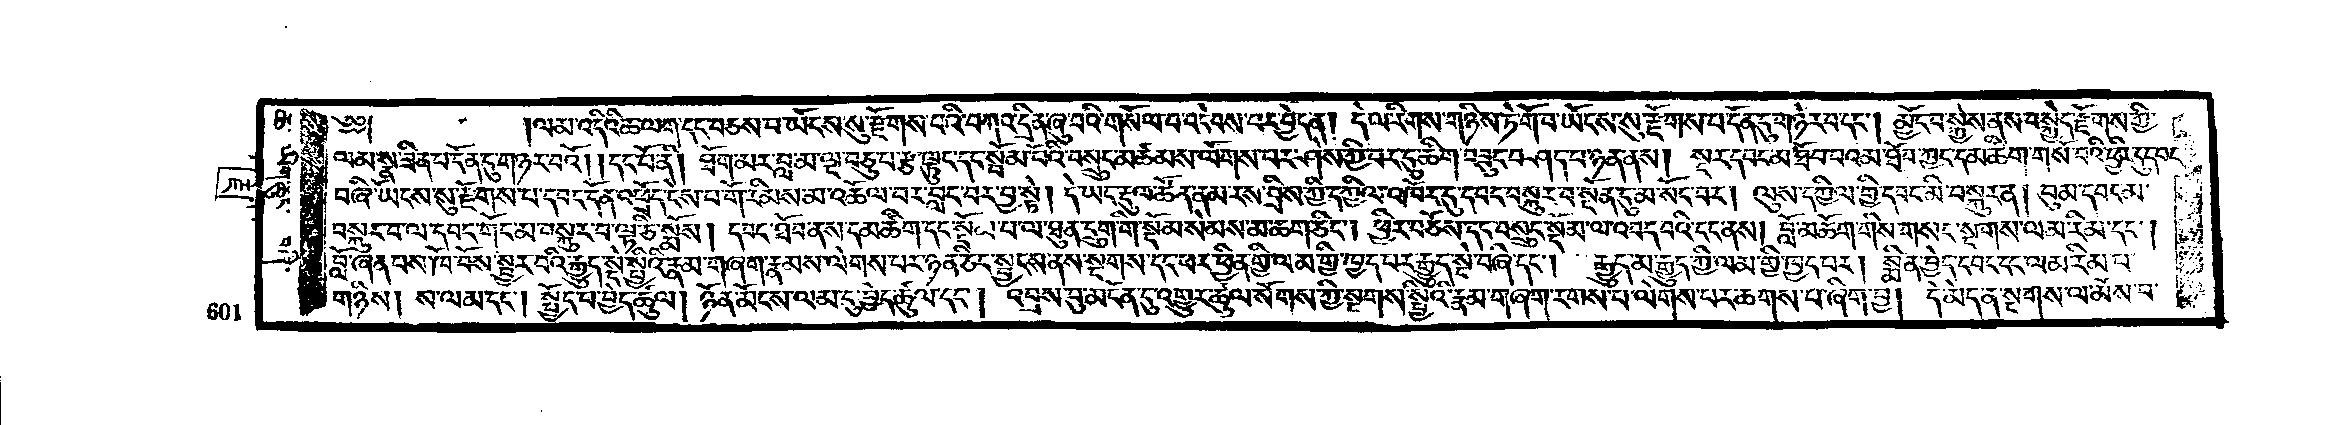༄༅། །ལམ་འདིའི་ཆ་ལག་དང་བཅས་པ་ཡོངས་སུ་རྫོགས་པའི་བཀའ་དྲིན་ཞུ་བའི་གསོལ་བ་འདེབས་པར་བྱེད་ན། དེ་ལ་རིགས་གཉིས་ཏེ་གོ་བ་ཡོངས་སུ་རྫོགས་པ་དོན་དུ་གཉེར་བ་དང་། མྱོང་བ་སྐྱེས་ནས་བསྐྱེད་རྫོགས་ཀྱི་
ལམ་སྣ་ཟིན་པ་དོན་དུ་གཉེར་བའོ། །དང་པོ་ནི། ཐོག་མར་བླ་མ་ལྔ་བཅུ་པ་རྩ་ལྟུང་དང་སྦོམ་པོའི་བསྲུང་མཚམས་ལེགས་པར་ཤེས་ཀྱི་བར་དུ་ཚིག་བཟུང་བཤད་པ་ཉན་ནས། སྔར་དབང་མ་ཐོབ་པའམ་ཐོབ་ཀྱང་དམ་ཚིག་གསོ་བའི་ཕྱིར་དུ་དབང་
བཞི་ཡོངས་སུ་རྫོགས་པ་དབང་དོན་འཕྲོད་ངེས་པ་གོ་རིམས་མ་འཆོལ་བར་བླང་བར་བྱ་སྟེ། དེ་ཡང་རྡུལ་ཚོན་ནམ་རས་བྲིས་ཀྱི་དཀྱིལ་འཁོར་དུ་དབང་བསྐུར་བ་སྔོན་དུ་མ་སོང་བར། ལུས་དཀྱིལ་གྱི་དབང་མི་བསྐུར་ན། བུམ་དབང་མ་
བསྐུར་བ་ལ་དབང་གོང་མ་བསྐུར་བ་ལྟ་ཅི་སྨོས། དབང་ཐོབ་ནས་དམ་ཚིག་དང་སྡོམ་པ་ལ་ཐུན་དྲུག་གི་སྡོམ་སེམས་མ་ཆག་ཅིང་། ཕྱིར་བཅོས་དང་བསྲུང་སྡོམ་ལ་འབད་པའི་ངང་ནས། བློ་མཆོག་གིས་གསང་སྔགས་ལམ་རིམ་དང་།
བློ་ཞན་པས་ཁོ་བོས་སྦྱར་བའི་རྒྱུད་སྡེ་སྤྱིའི་རྣམ་གཞག་རྣམས་ལེགས་པར་ཉན་ཅིང་སྦྱངས་ནས་སྔགས་དང་ཕར་ཕྱིན་གྱི་ལམ་གྱི་ཁྱད་པར་རྒྱུད་སྡེ་བཞི་དང་། རྒྱུད་མ་རྒྱུད་ཀྱི་ལམ་གྱི་ཁྱད་པར། སྨིན་བྱེད་དབང་དང་ལམ་རིམ་པ་
གཉིས། ས་ལམ་དང་། སྤྱོད་པ་བྱེད་ཚུལ། ཉོན་མོངས་ལམ་དུ་བྱེད་ཚུལ་དང་། འབྲས་བུ་མངོན་དུ་འགྱུར་ཚུལ་སོགས་ཀྱི་སྔགས་སྤྱིའི་རྣམ་གཞག་རགས་པ་ལེགས་པར་ཆགས་པ་ཞིག་བྱ། དེ་མེད་ན་སྔགས་ལ་མོས་པ་